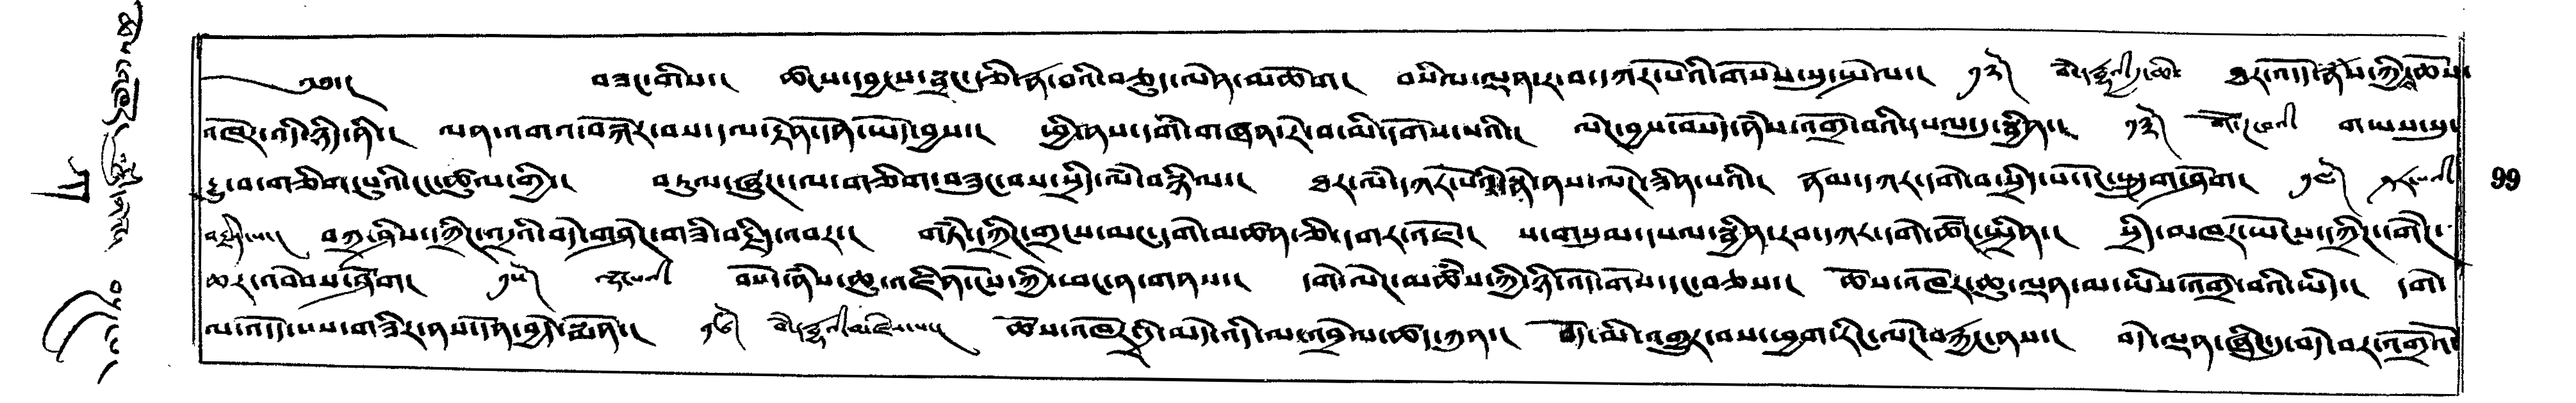བཟང་གིས། །ཚངས་དབྱངས་སྦྲང་རྩི་རྣ་བའི་བཅུད་ལེན་མཆོག །བསིལ་ལྡན་ར་བ་དཀར་པོའི་གསོས་སུ་སྤེལ། ། ༡༢༽ བཻ་དརྦྷའི་རྒྱ་ཆེ། ཐར་འདོད་རྣམས་ཀྱིས་ཆོས་
འཁོར་འདི་ཉིད་ནི། །ལན་འགའ་བསྐོར་བས་དལ་རྟེན་དོན་ཡོད་བྱས། །ཕྱིས་ནས་དགེ་གཞན་རེ་བ་མི་དགོས་པའི། །ལེགས་བྱས་བསོད་ནམས་འགྲོ་བའི་དཔལ་དུ་སྦྱིན། །༡༣༽ གཽ་ཌཱ་བའི། གཡས་སུ་
རྒྱུ་བ་གཅིག་པུའི་ངང་ཚུལ་གྱིས། །བརྟུལ་ཞུགས་དལ་གཅིག་བཟུང་བས་སྲིད་ལམ་བསྙིལ། །ཐར་ལམ་དཀར་པོའི་སྣེ་ནས་ལེགས་ཟིན་པའི། །རྣམ་དཀར་དགེ་བས་སྲིད་པ་དོང་སྤྲུགས་ཤོག ། ༡༤༽ ཤར་པའི་
བརྗིད་པ། བཀྲ་ཤིས་དཀྲིགས་འདྲའི་བདེ་གཤེགས་གཟི་བརྗིད་འབར། །གཏམ་དཀྲིགས་གྲངས་མང་དགེ་མཚན་ཅི་དགར་འཇོ། །ས་གསུམ་དཔལ་སྦྱིན་རབ་དཀར་དགེ་ཚོགས་སྤྲིན། །སྲིད་མཁར་ཡོངས་དཀྲིགས་དགེ་ལེགས་
ཆར་འབེབས་ཤོག ༡༥༽ ལྷོ་པའི། བསོད་ནམས་ཆུ་འཛིན་ངོས་ཀྱི་འཕང་ན་གནས། །དགེ་ལེགས་མཚམས་ཀྱི་ཉི་འོད་གོས་དང་བཅས། །ཆོས་འཁོར་ཆུ་ལྡན་མ་ཡིས་འགྲོ་བའི་ཡིད། །དགེ་
ལ་འདོད་པས་གཟིར་ནས་དོན་བྱེད་སྨོན། ། ༡༦༽ བཻ་དརྦྷའི་མཛེས་པ། ཆོས་འཁོར་དྲྭི་མེད་འདི་ལ་འབྲེལ་ཚད་ཀུན། །འོད་མི་འགྱུར་བས་ཕྱག་རིང་ལེགས་བརྐྱང་ནས། །བདེ་ལྡན་ཞིང་དུ་བདེ་བར་འགྲོའོ་